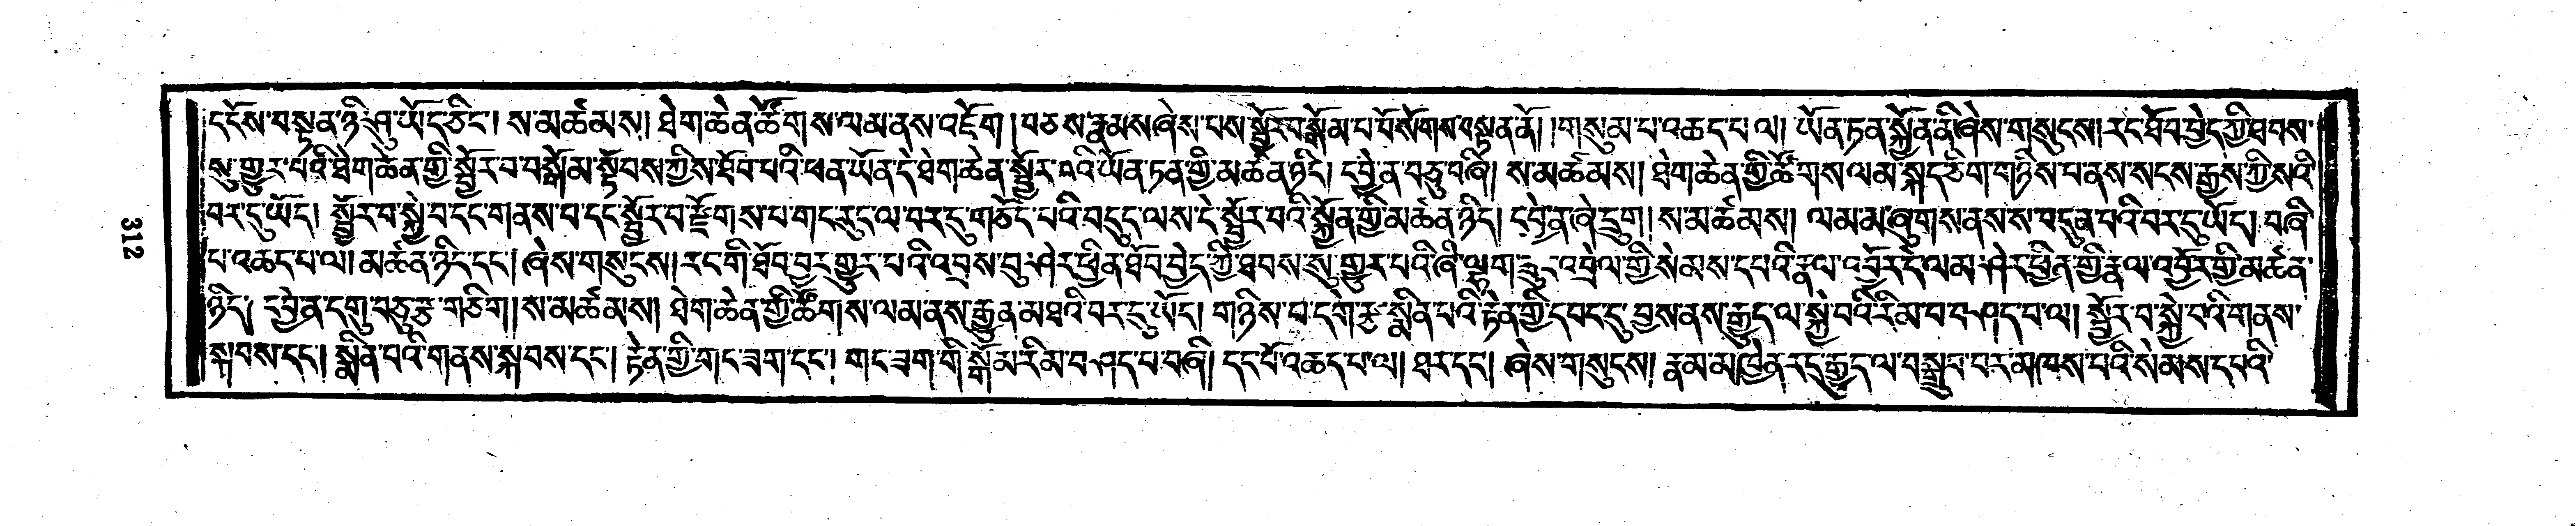དངོས་བསྟན་ཉི་ཤུ་ཡོད་ཅིང་། ས་མཚམས། ཐེག་ཆེན་ཚོགས་ལམ་ནས་འཇོག །བཅས་རྣམས་ཞེས་པས་སྦྱོར་བ་སྒོམ་པ་པོ་སོགས་བསྟན་ནོ། །གསུམ་པ་འཆད་པ་ལ། ཡོན་ཏན་སྐྱོན་ནི་ཞེས་གསུངས། རང་ཐོབ་བྱེད་ཀྱི་ཐབས་
སུ་གྱུར་པའི་ཐེག་ཆེན་གྱི་སྦྱོར་བ་བསྒོམ་སྟོབས་ཀྱིས་ཐོབ་པའི་ཕན་ཡོན་དེ་ཐེག་ཆེན་སྦྱོར་བའི་ཡོན་ཏན་གྱི་མཚན་ཉིད། དབྱེ་ན་བཅུ་བཞི། ས་མཚམས། ཐེག་ཆེན་གྱི་ཚོགས་ལམ་སྐད་ཅིག་གཉིས་པ་ནས་སངས་རྒྱས་ཀྱི་སའི་
བར་དུ་ཡོད། སྦྱོར་བ་སྐྱེ་བ་དང་གནས་པ་དང་སྦྱོར་བ་རྫོགས་པ་གང་རུང་ལ་བར་དུ་གཅོད་པའི་བདུད་ལས་དེ་སྦྱོར་བའི་སྐྱོན་གྱི་མཚན་ཉིད། དབྱེ་ན་ཞེ་དྲུག །ས་མཚམས། ལམ་མ་ཞུགས་ནས་ས་བདུན་པའི་བར་དུ་ཡོད། བཞི་
པ་འཆད་པ་ལ། མཚན་ཉིད་དང་། ཞེས་གསུངས། རང་གི་ཐོབ་བྱར་གྱུར་པའི་འབྲས་བུ་ཤེར་ཕྱིན་ཐོབ་བྱེད་ཀྱི་ཐབས་སུ་གྱུར་པའི་ཞི་ལྷག་ཟུང་འབྲེལ་གྱི་སེམས་དཔའི་རྣལ་འབྱོར་དེ་ལམ་ཤེར་ཕྱིན་གྱི་རྣལ་འབྱོར་གྱི་མཚན་
ཉིད༑ དབྱེ་ན་དགུ་བཅུ་རྩ་གཅིག །ས་མཚམས། ཐེག་ཆེན་གྱི་ཚོགས་ལམ་ནས་རྒྱུན་མཐའི་བར་དུ་ཡོད། གཉིས་པ་དགེ་རྩ་སྨིན་པའི་རྟེན་གྱི་དབང་དུ་བྱས་ནས་རྒྱུད་ལ་སྐྱེ་བའི་རིམ་པ་བཤད་པ་ལ། སྦྱོར་བ་སྐྱེ་བའི་གནས་
སྐབས་དང་། སྨིན་པའི་གནས་སྐབས་དང་། རྟེན་གྱི་གང་ཟག་དང་། གང་ཟག་གི་སྒོམ་རིམ་བཤད་པ་བཞི། དང་པོ་འཆད་པ་ལ། ཐར་དང་། ཞེས་གསུངས། རྣམ་མཁྱེན་རང་རྒྱུད་ལ་བསྒྲུབ་པར་མཁས་པའི་སེམས་དཔའི་